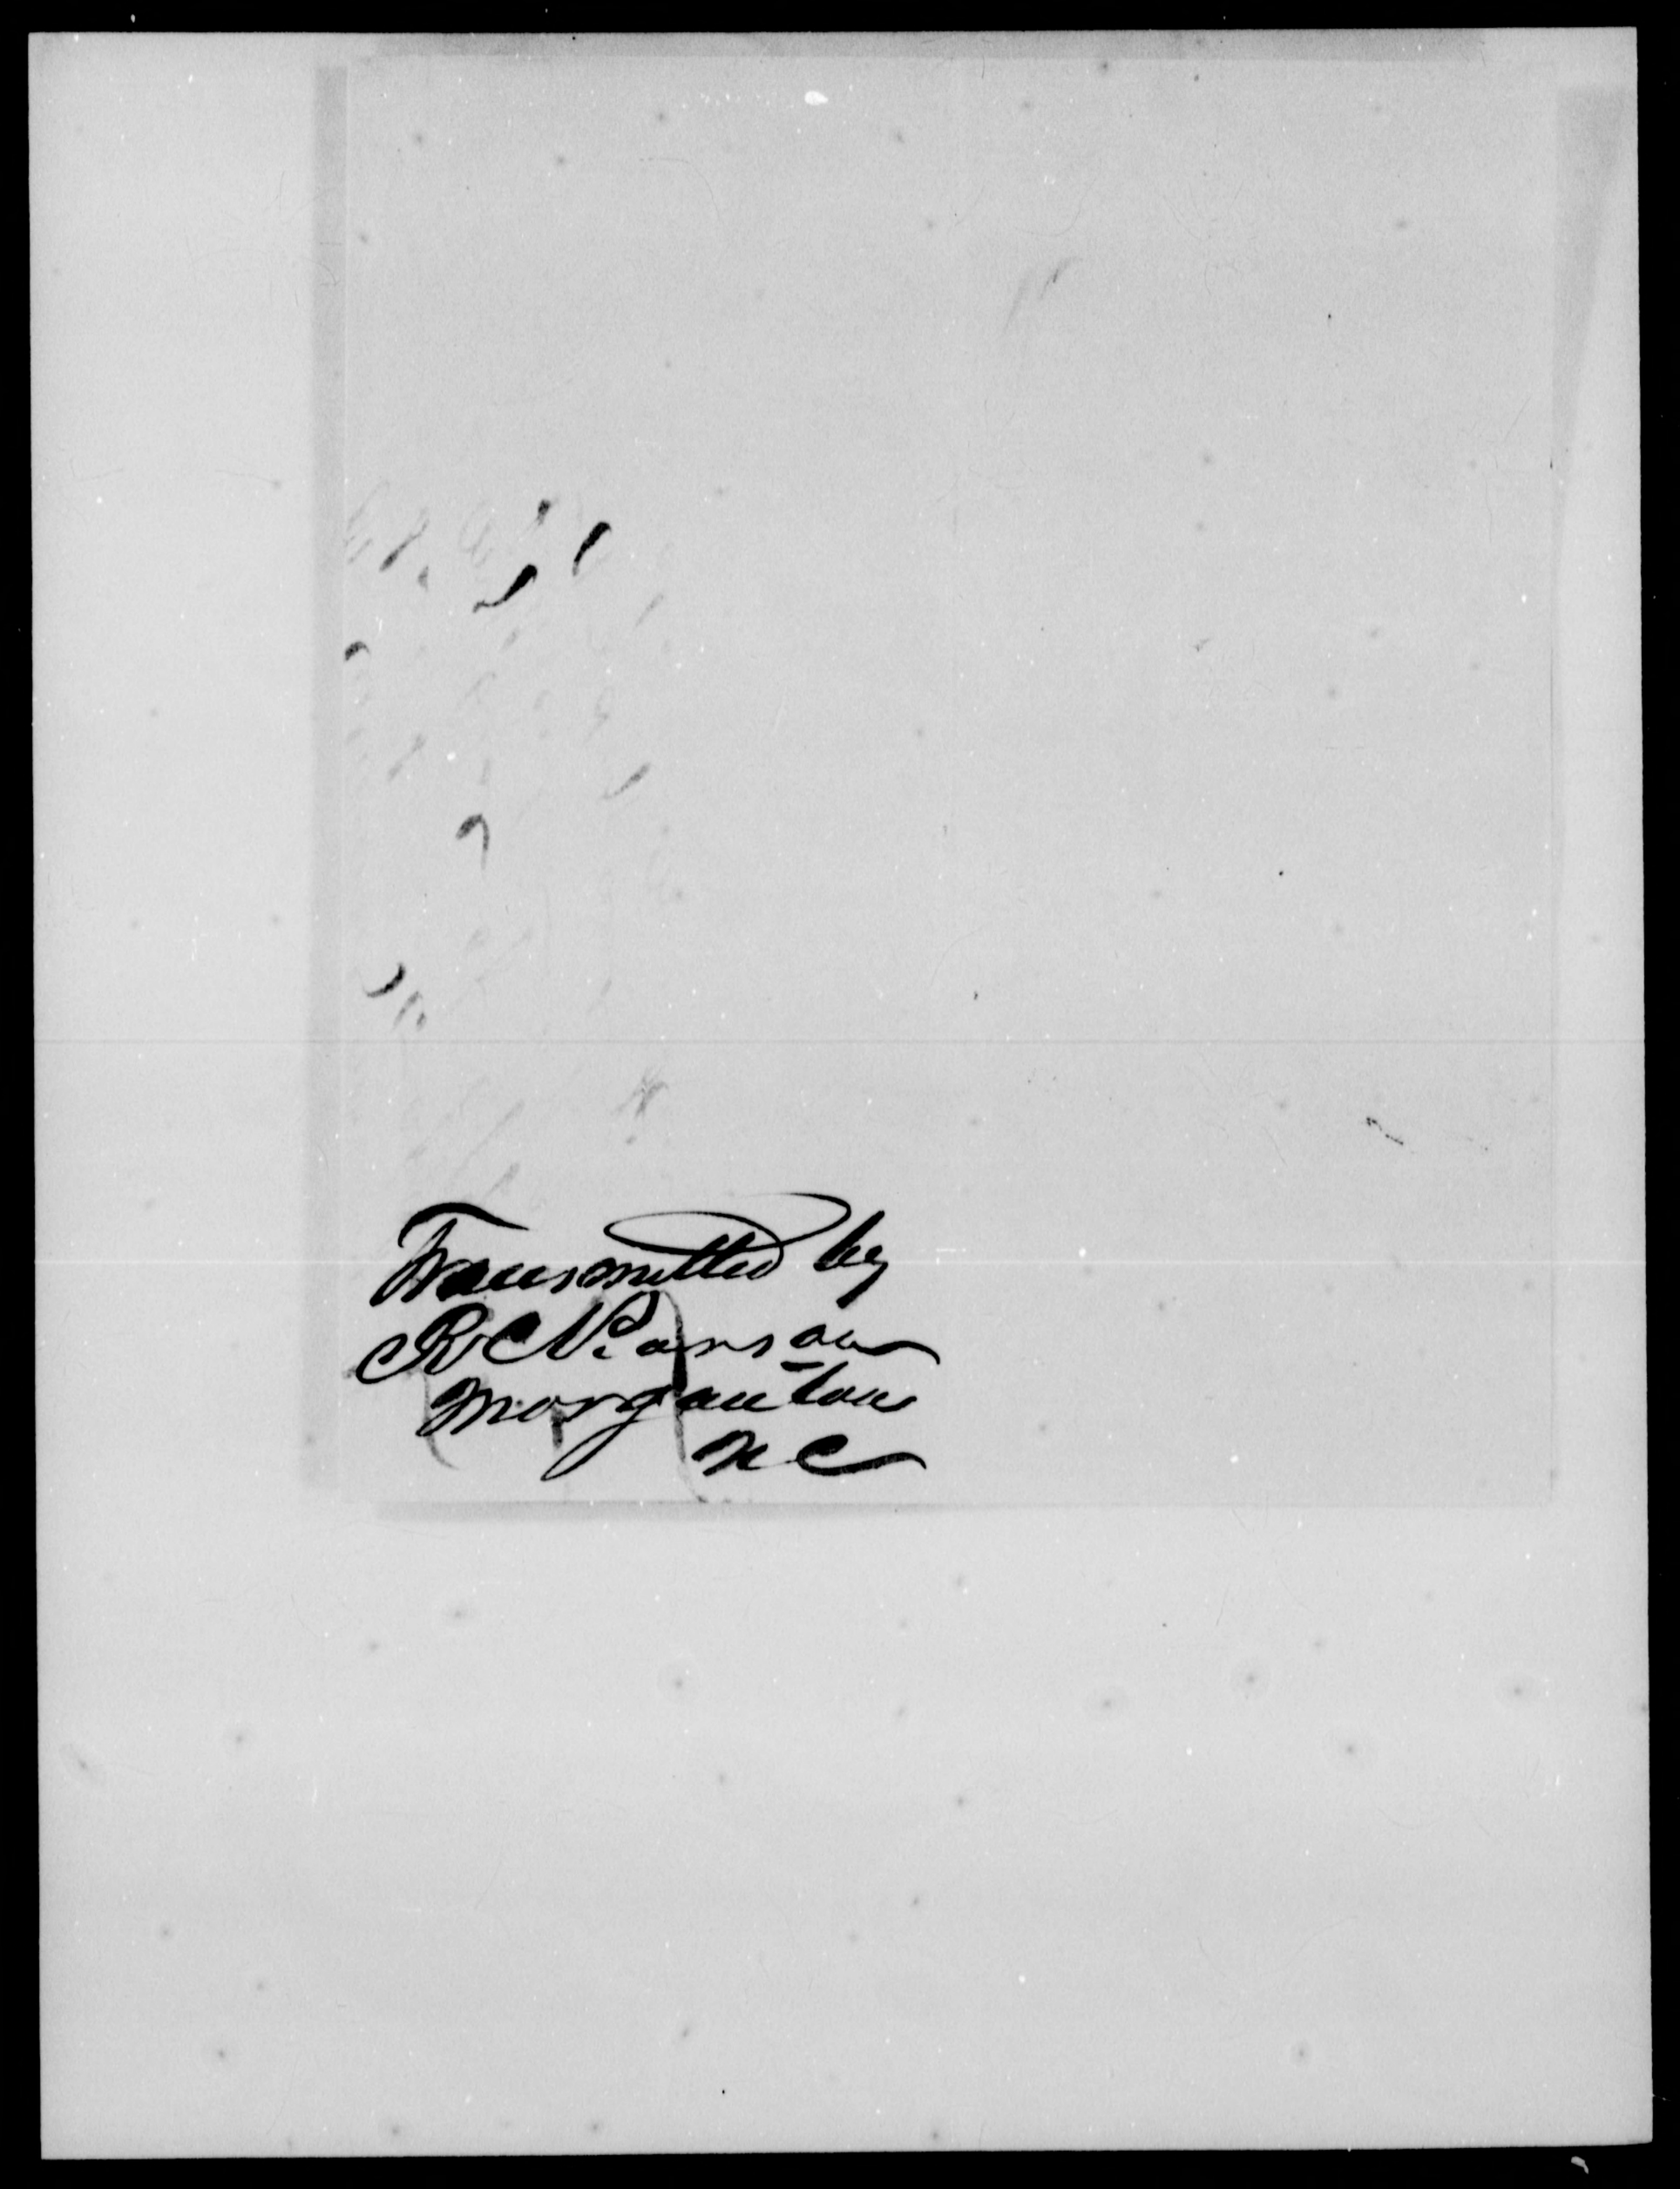Transmitted by
R C Pearson
Morganton
N C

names: R C Pearson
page: 13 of 63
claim: widow's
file: W. 6158, for Benjamin Spencer, North Carolina